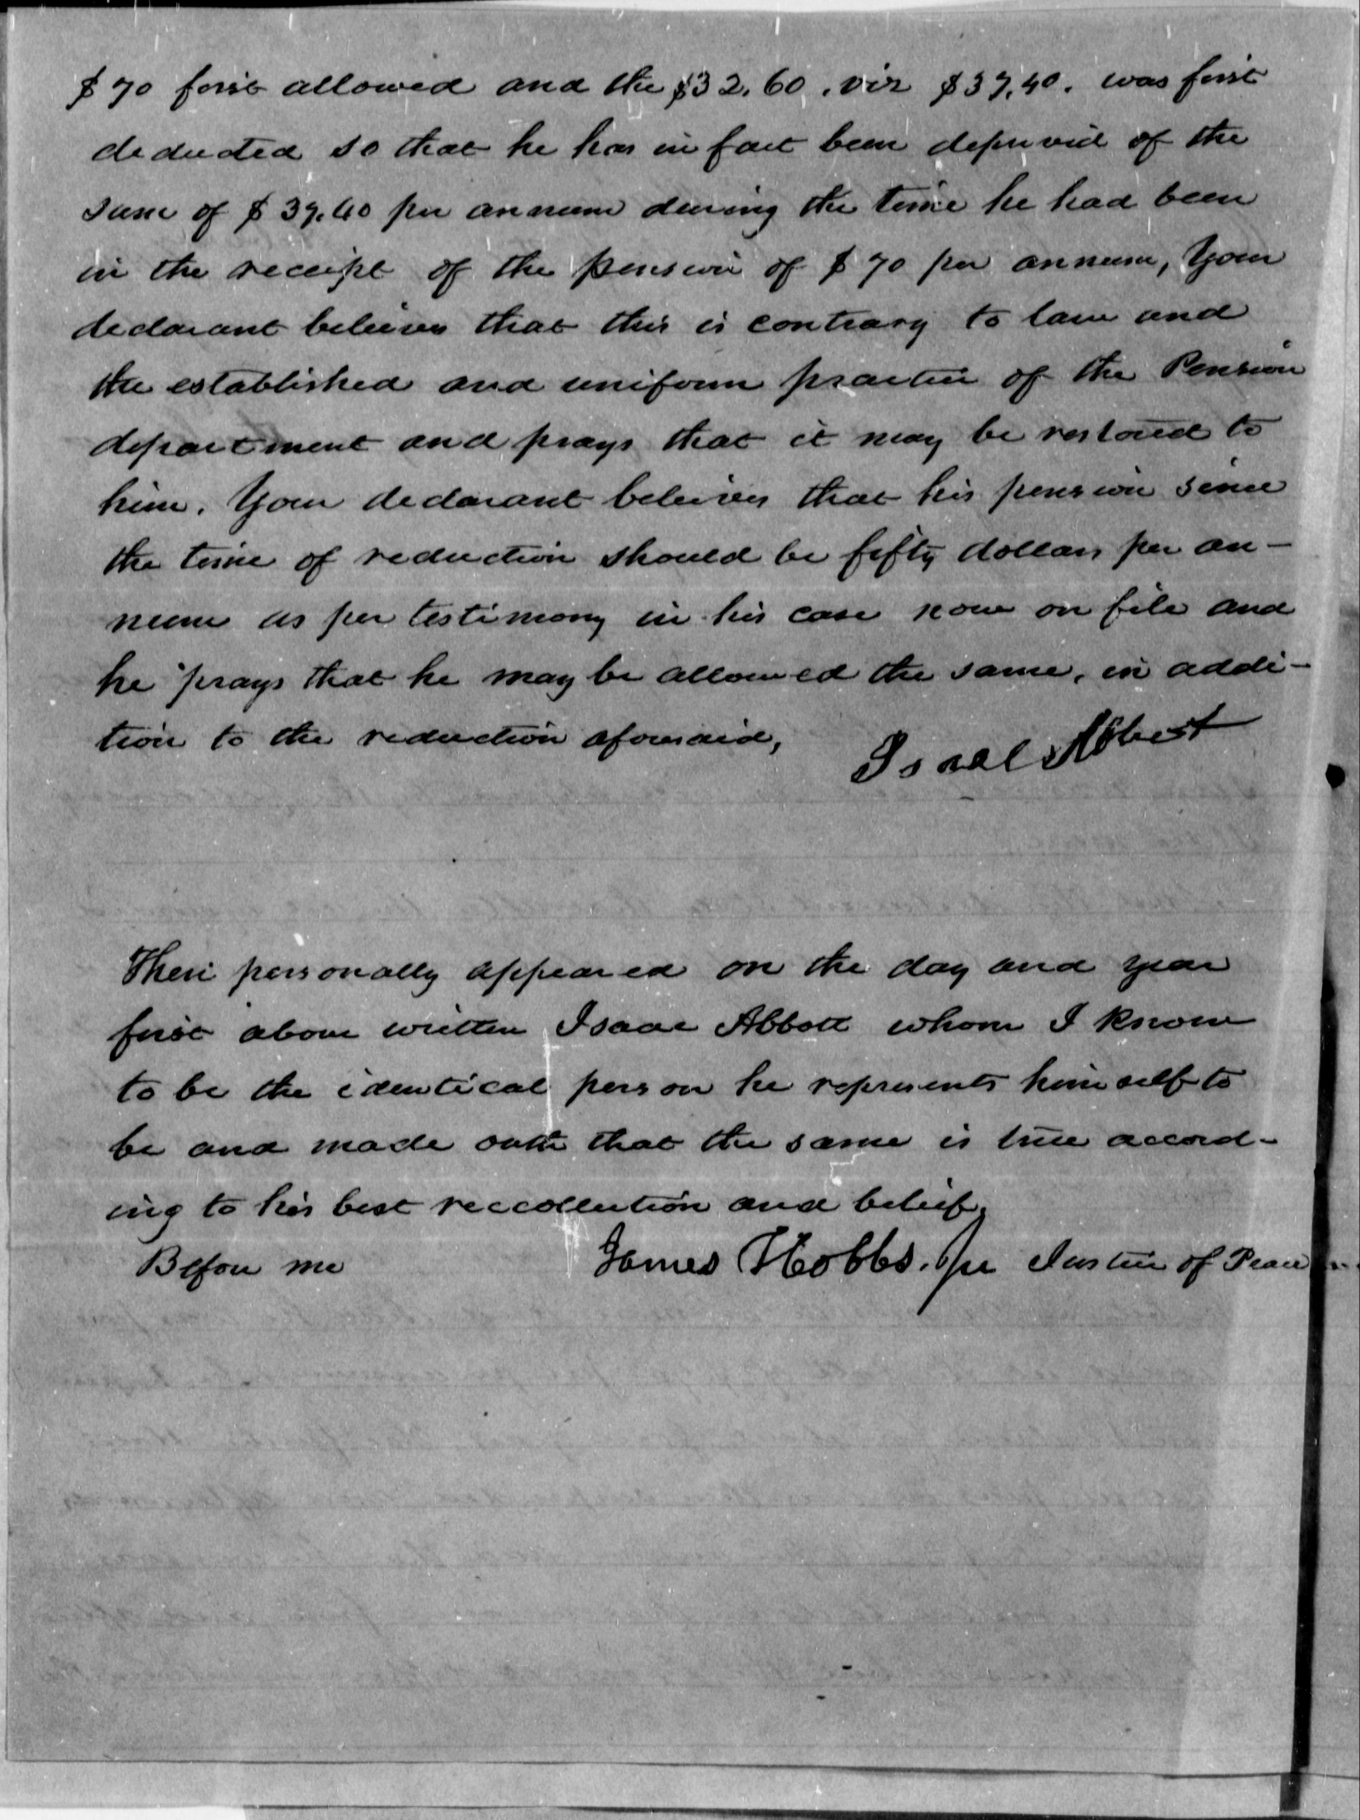...
$70 [illegible] allowed and the $32.60, viz $37.40, was first deducted so that he has in fact been deprived of the same of $37.40 per annum during the time he had been in the receipt of the pension of $70 per annum. Your declarant believes that this is contrary to law and the established and uniform practice of the Pension Department and prays that it may be returned to him. Your declarant believes that his pension since the time of reduction should be fifty dollars per annum as per testimony in his case now on file and he prays that he may be allowed the same, in addition to the reduction aforesaid.
[SIGNED: Isaac Abbott]


Then personally appeared on the day and year first above written, Isaac Abbott, whom I know to be the identical person he represents himself to be and made oath that the same is true according to his best recollection and belief.
Before me
[SIGNED: James Hobbs Jr.] Justice of the Peace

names: Isaac Abbott, James Hobbs, Isaac Abbot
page: 76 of 86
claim: survivor's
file: S 29,568, Isaac Abbot, Mass